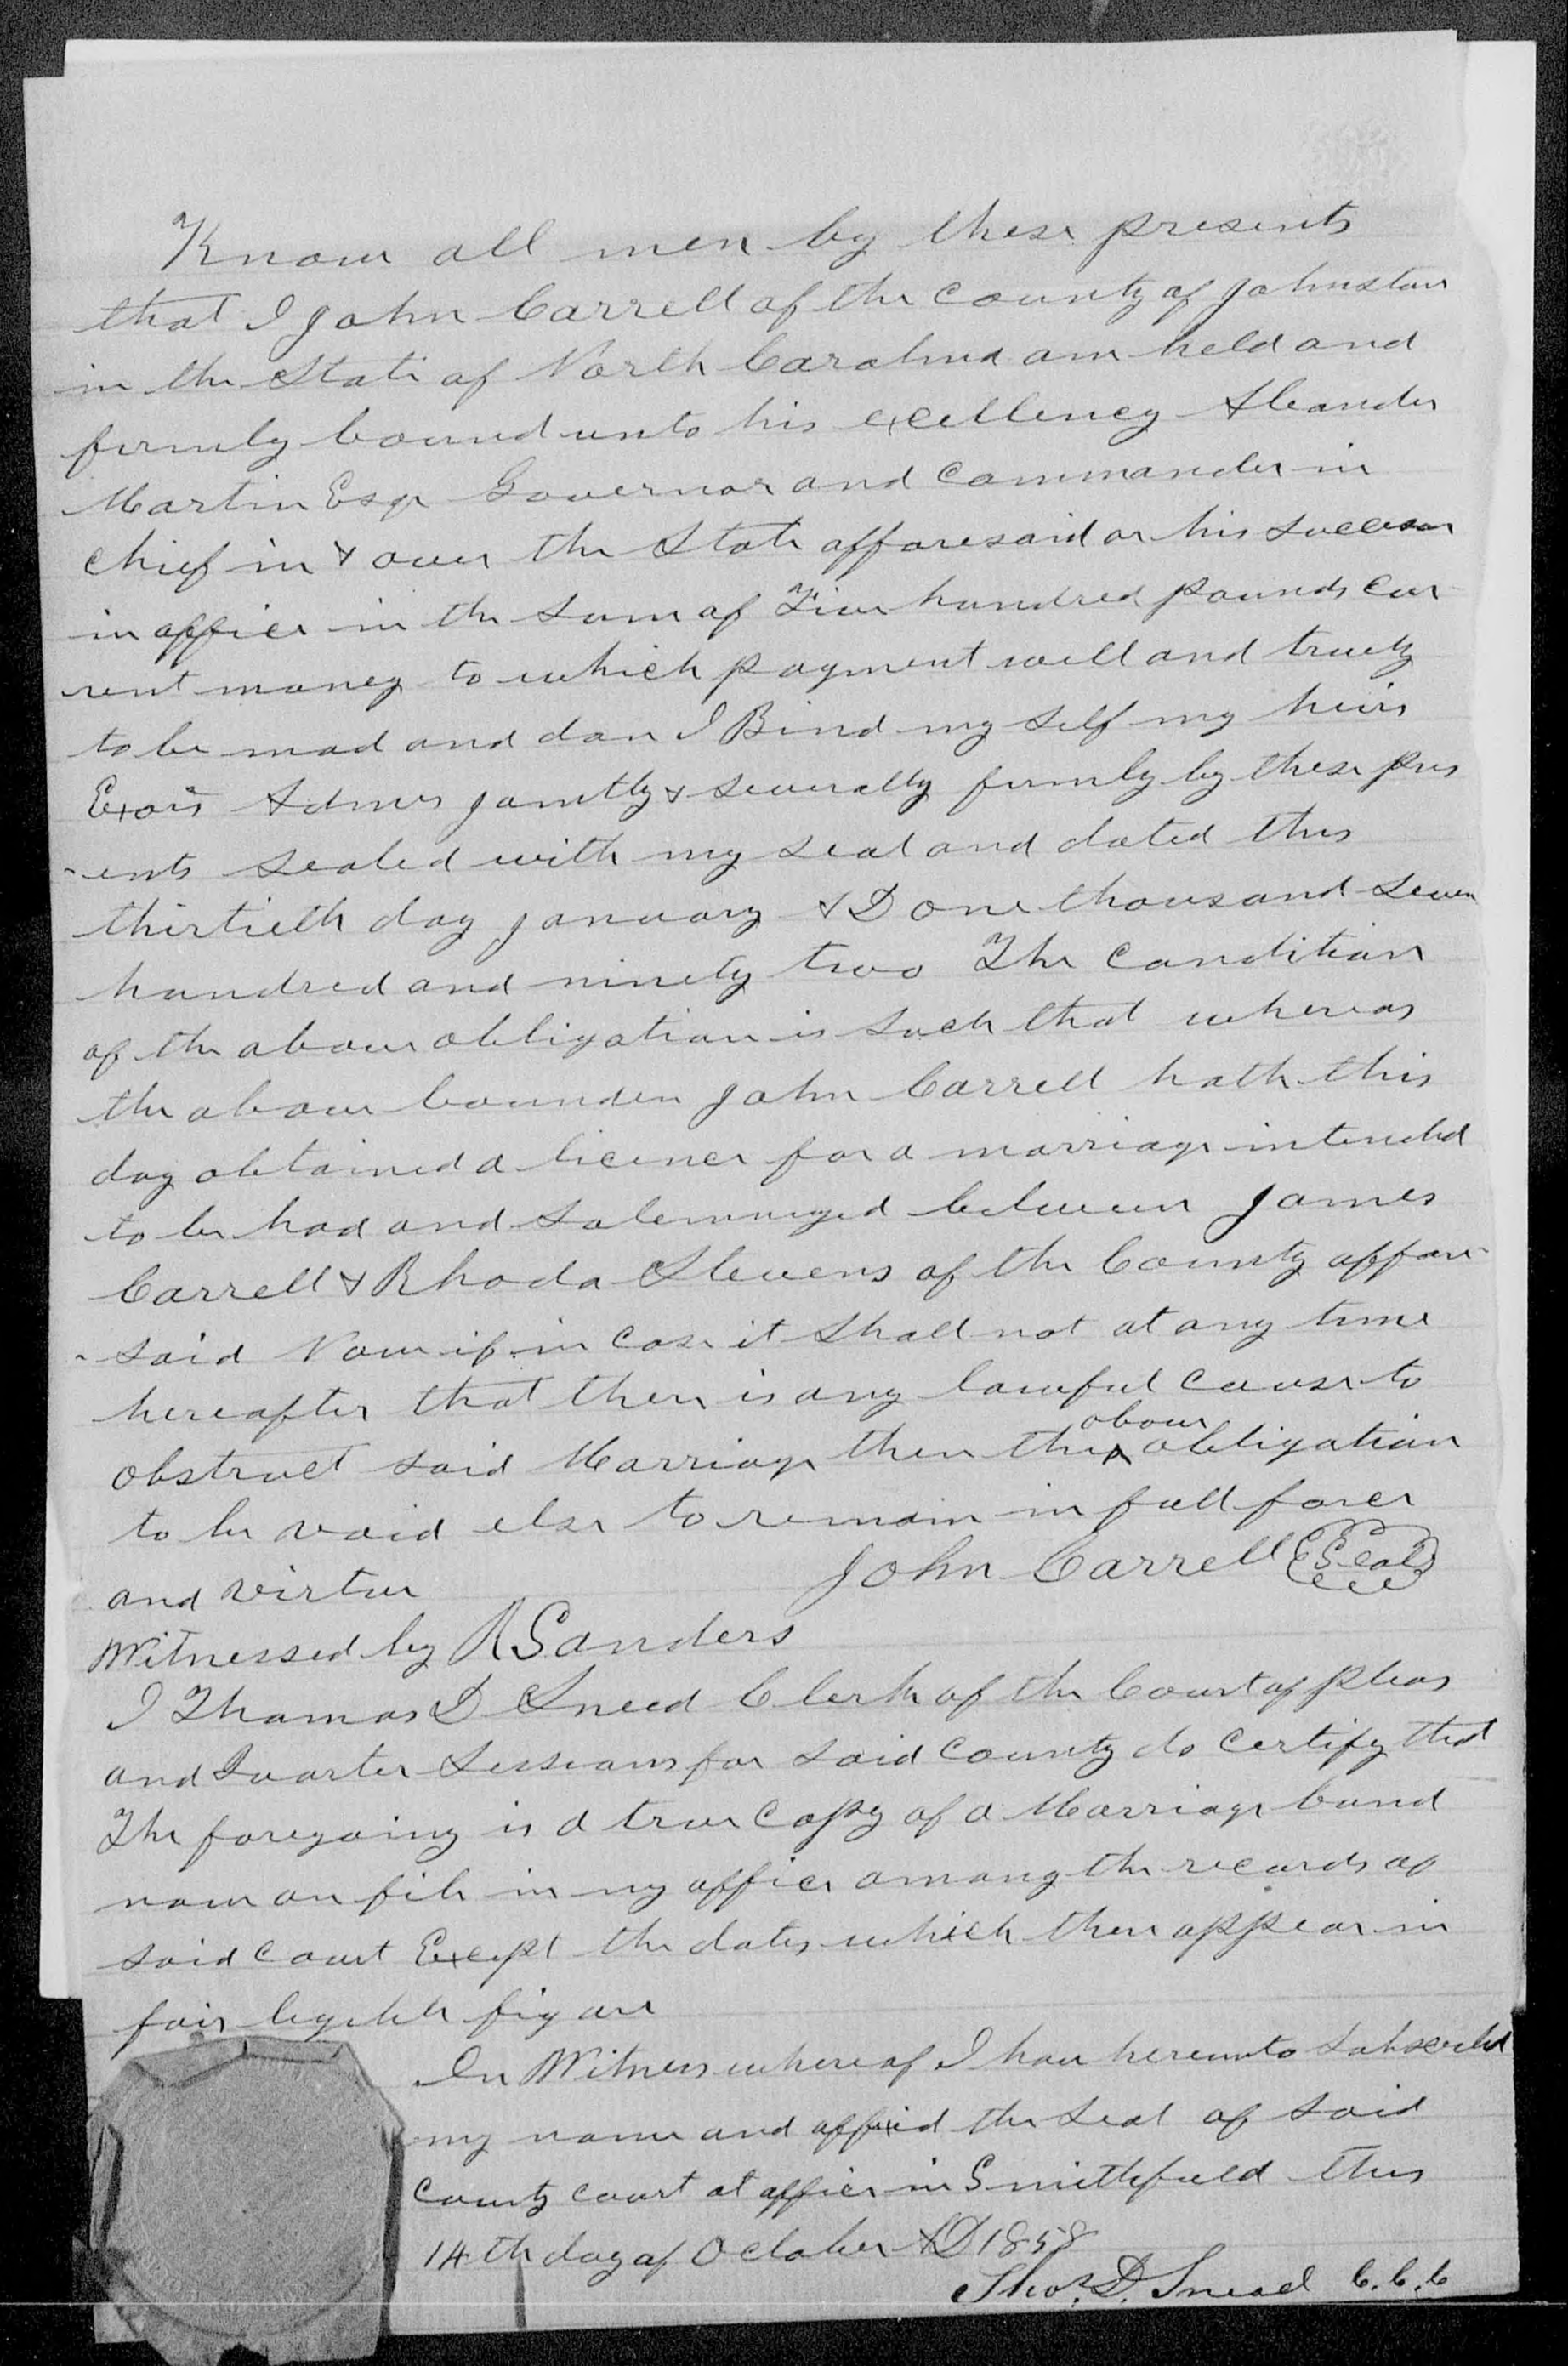Know all men by these presents that I John Carrell of the county of Johnston in the State of North Carolina am held and firmly bount unto his excellency Aleander Martin Esq Governor and commander in chief in and over the State aforesaid or his successor in office in the sum of five hundred pounds current money to which payment well and truly to be mad and don I bind my self my heirs exis Admis jointly and securely firmly by these presents sealed with my seal and dated this thirtieth day January AD one thousand seven hundred and ninety two. The condition of the above obligation is such that whereas the above bounden John Carrell hath this day obtained a license for a marriage intended to be had and solemnized between James Carrell And Rhoda Stevens of the county afforesaid Now if in case it shall not at any time hereafter that there is any lawful cause to obstruct said marriage then the above obligation to be void else to remain in full force and virtue.  John Carrell

Witnessed by R. Sanders.
I Thomas D  Sneed Clerk of the Court of Pleas and Quarter sessions for said county do certify that the foregoing is a true copy of a marriage band now on file in my office. among the records of said court except the dates which there appear in fair legal[illegible] are
In witness whereof I have hereunto subscribed my name and affixed the seal of said county court at office in Smithfield this 14th day of October AD 1858.  Thos. D. Sneed C.C. C.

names: Aleander Martin, Rhoda Stevens, R Sanders, John Carrell, James Carrell, John Carrell, Thomas D Sneed, John Carrell, Thos D Sneed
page: 40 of 86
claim: widow's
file: W. 6899, James Carrell, N.C.